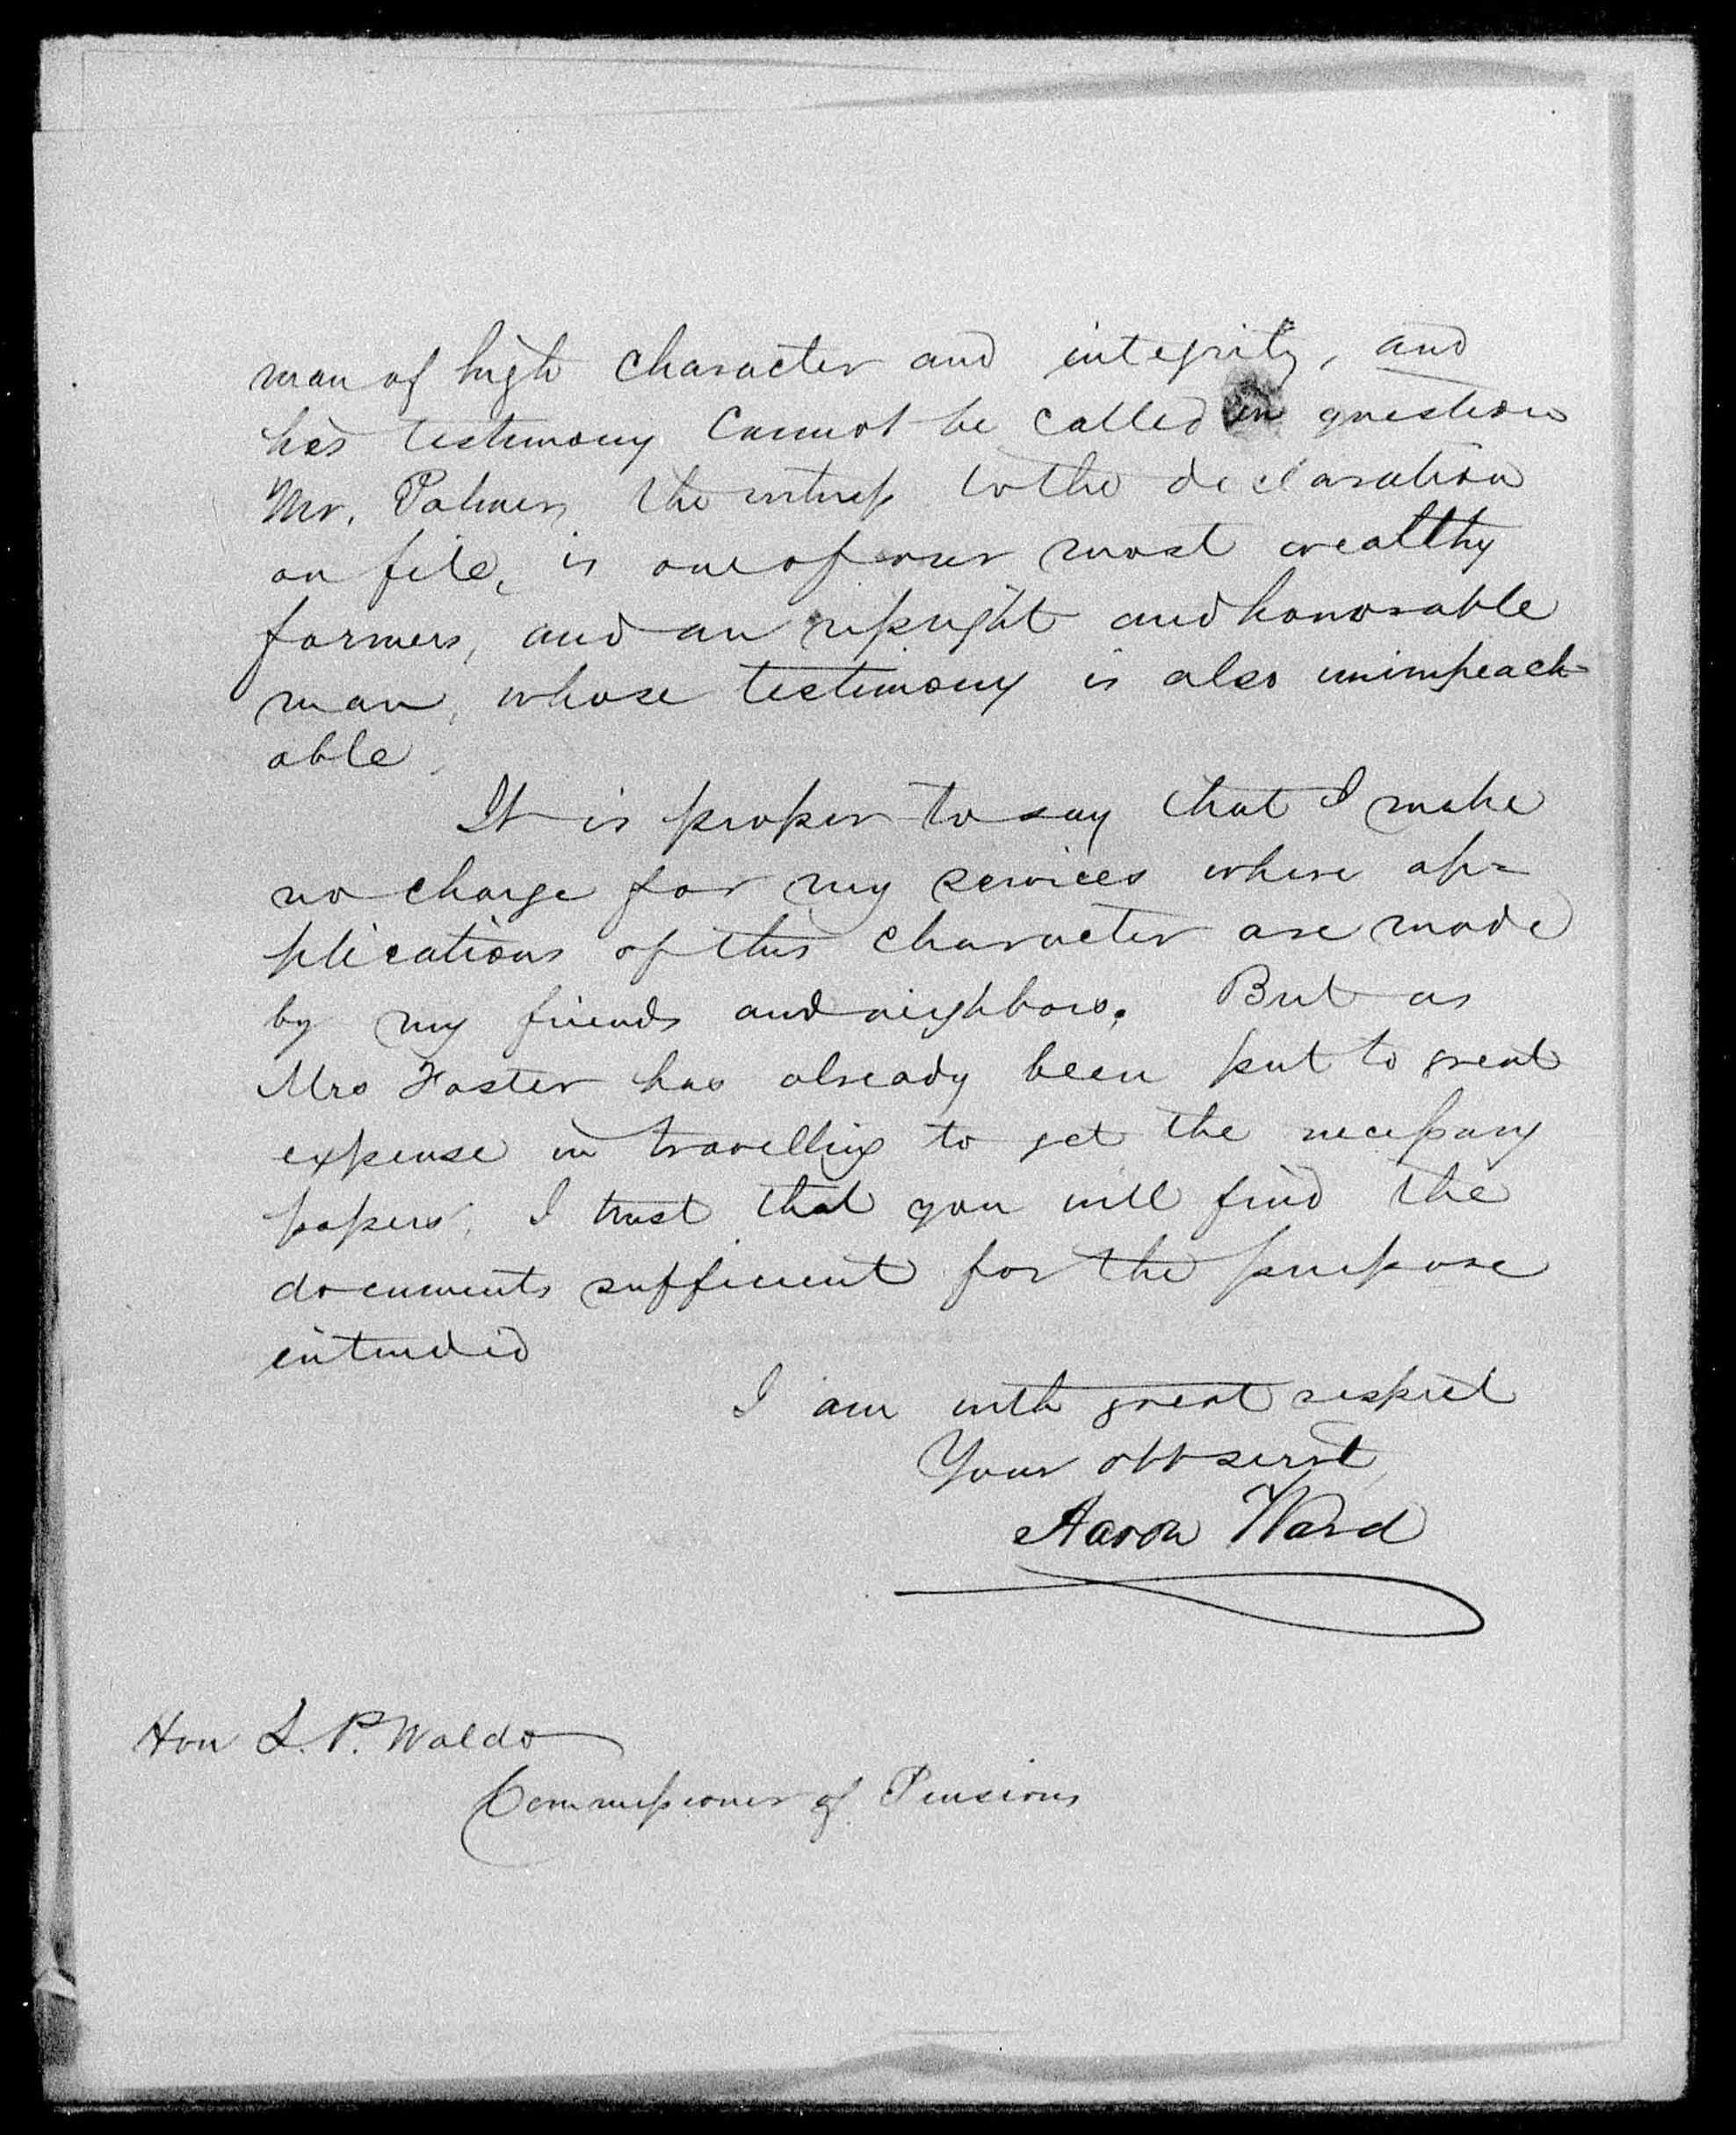man of high character and integrity, and his testimony cannot be called into question. Mr. Palmer the witness in the declaration on file is one of our most wealthy farmers, and an upright and honorable man, whose testimony is also unimpeachable.
It is proper to say that I make no charge for my services where applications of this character are made by my friends and neighbors. But as Mrs Foster has already been put to great expense in traveling to get the necessary papers, I trust that you will find the documents sufficient for the purpose intended.
I am with great respect
Your Obd. servant
Aaron Ward

Hon. L. P. Waldo
Commissioner of Pensions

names: Palmer, Foster, Aaron Ward, L P Waldo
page: 40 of 57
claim: widow's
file: W. 5275 1/2, Michael Foster, Penn.